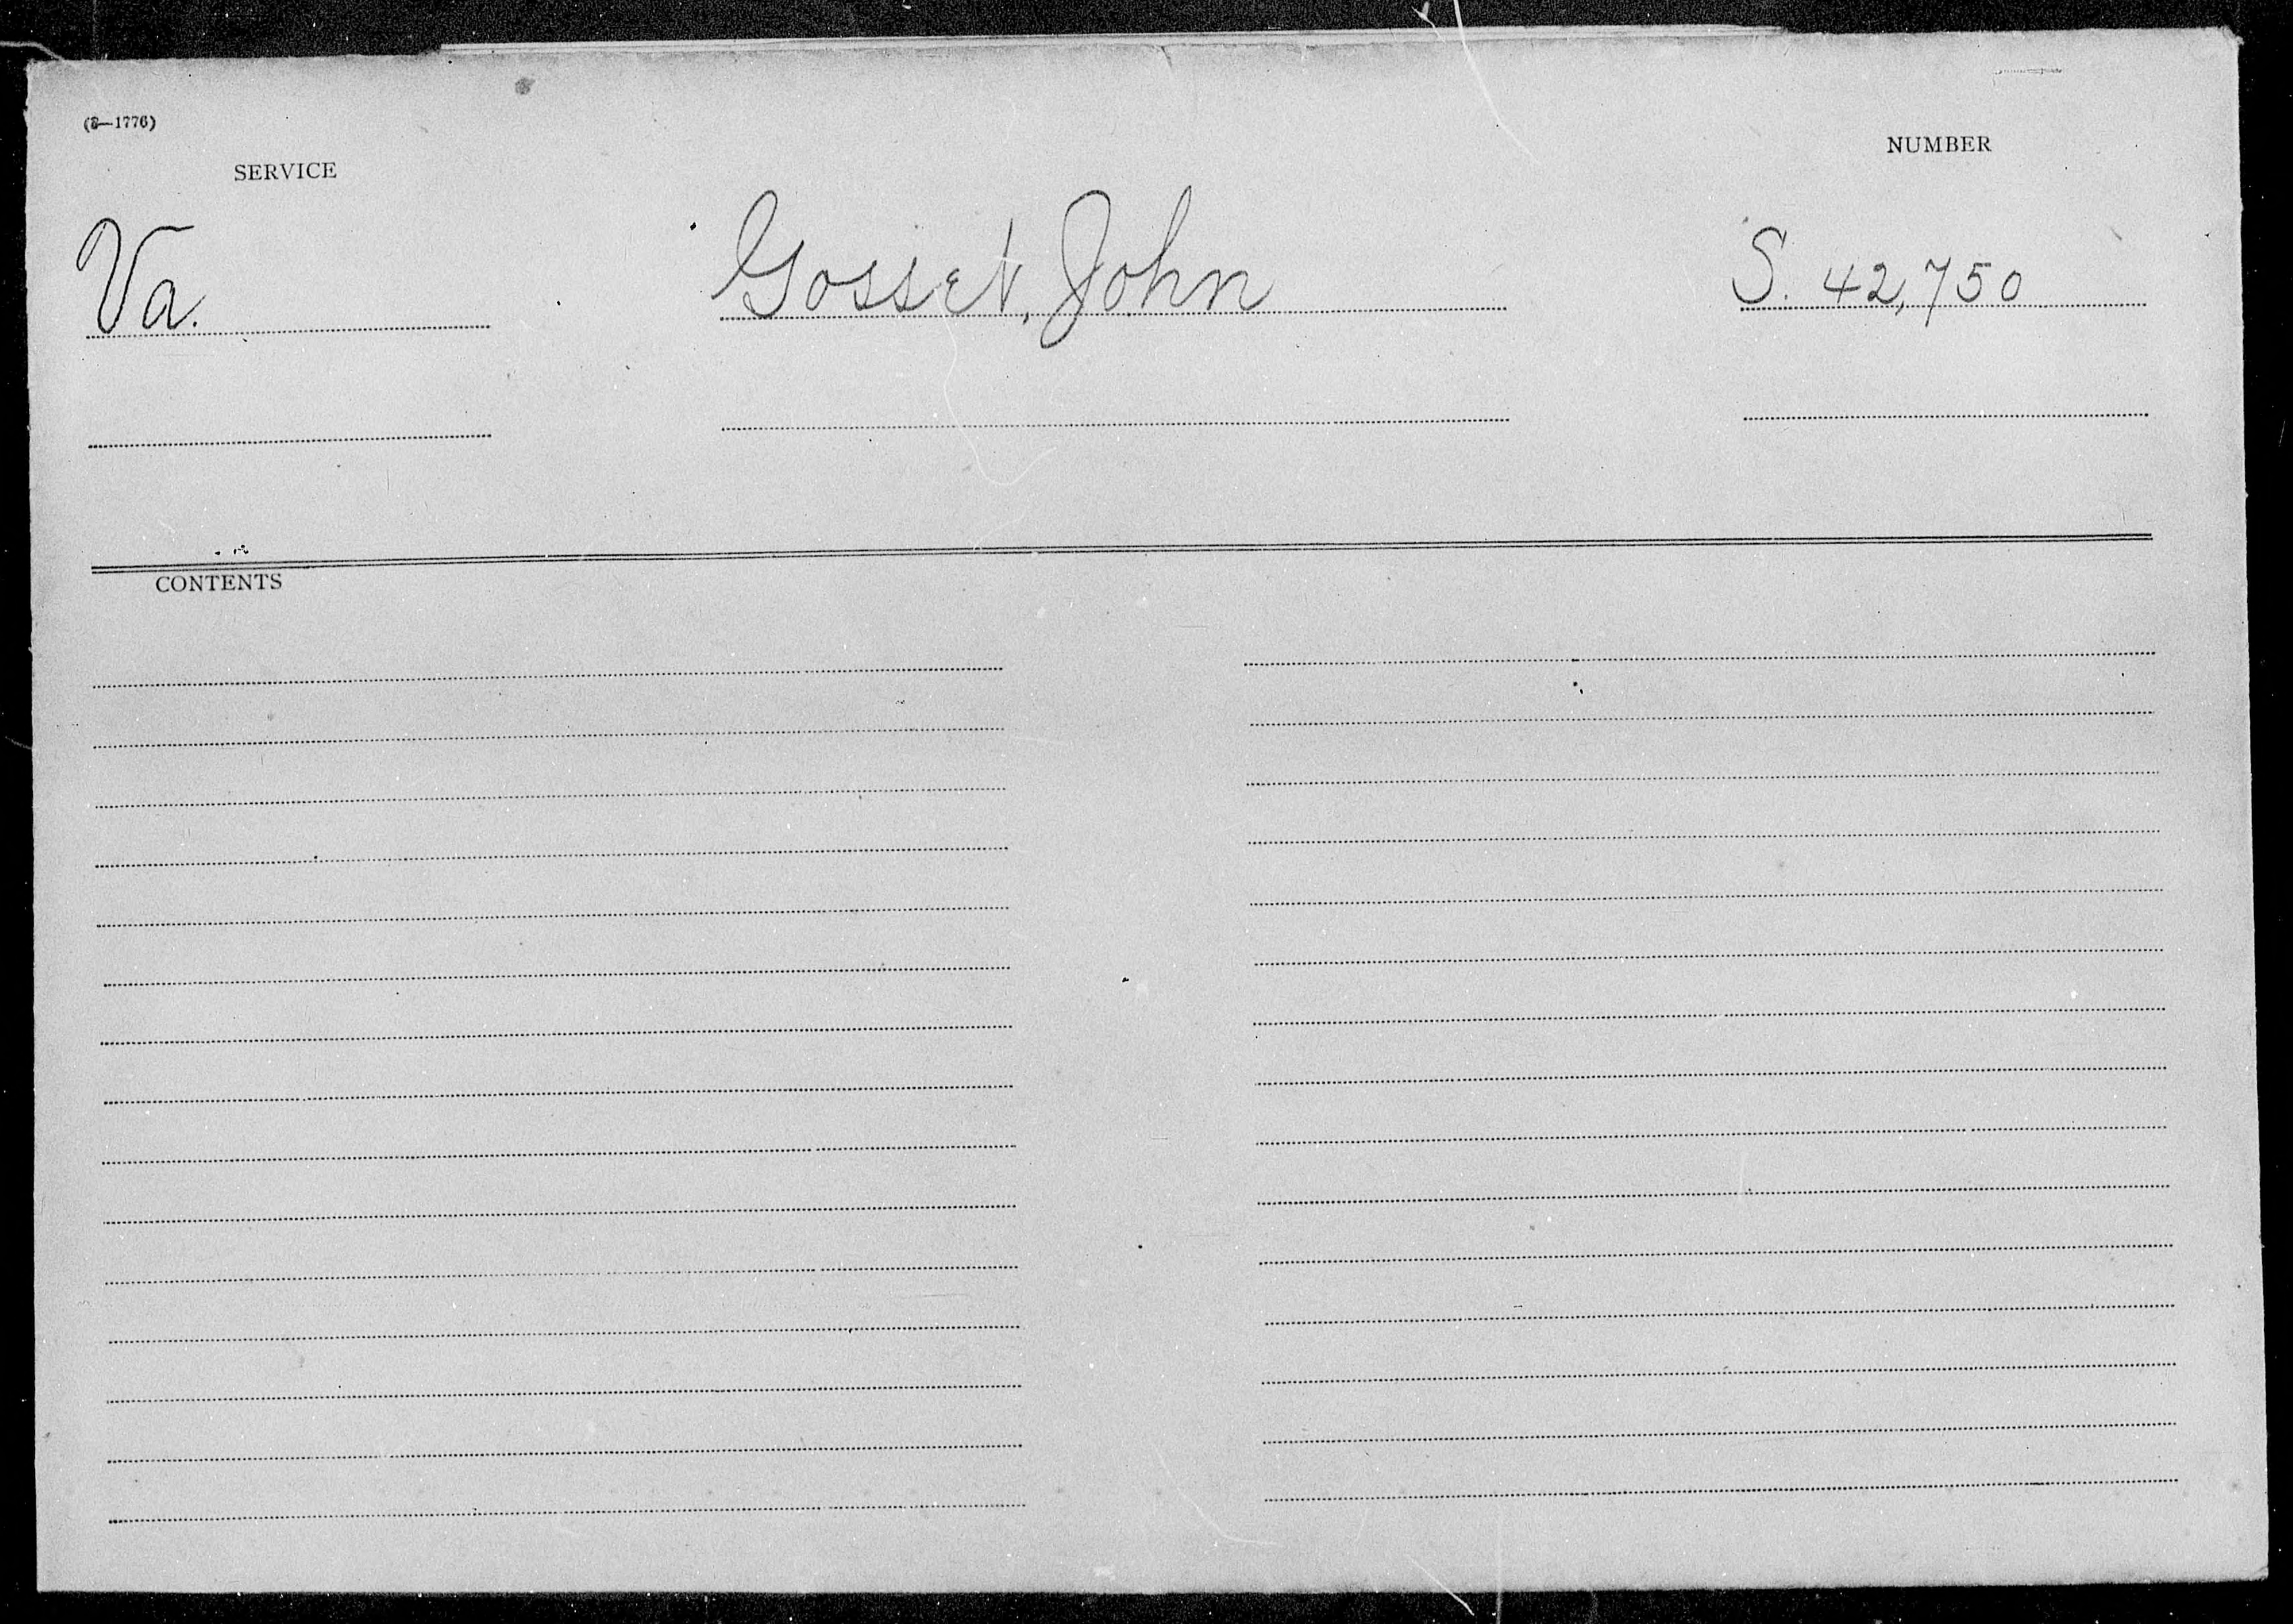(S-1776)
SERVICE: Va | Gosset, John | NUMBER: S. 42,750
____
CONTENTS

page: 1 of 21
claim: survivor's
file: S. 42,750, John Gosset, Va.